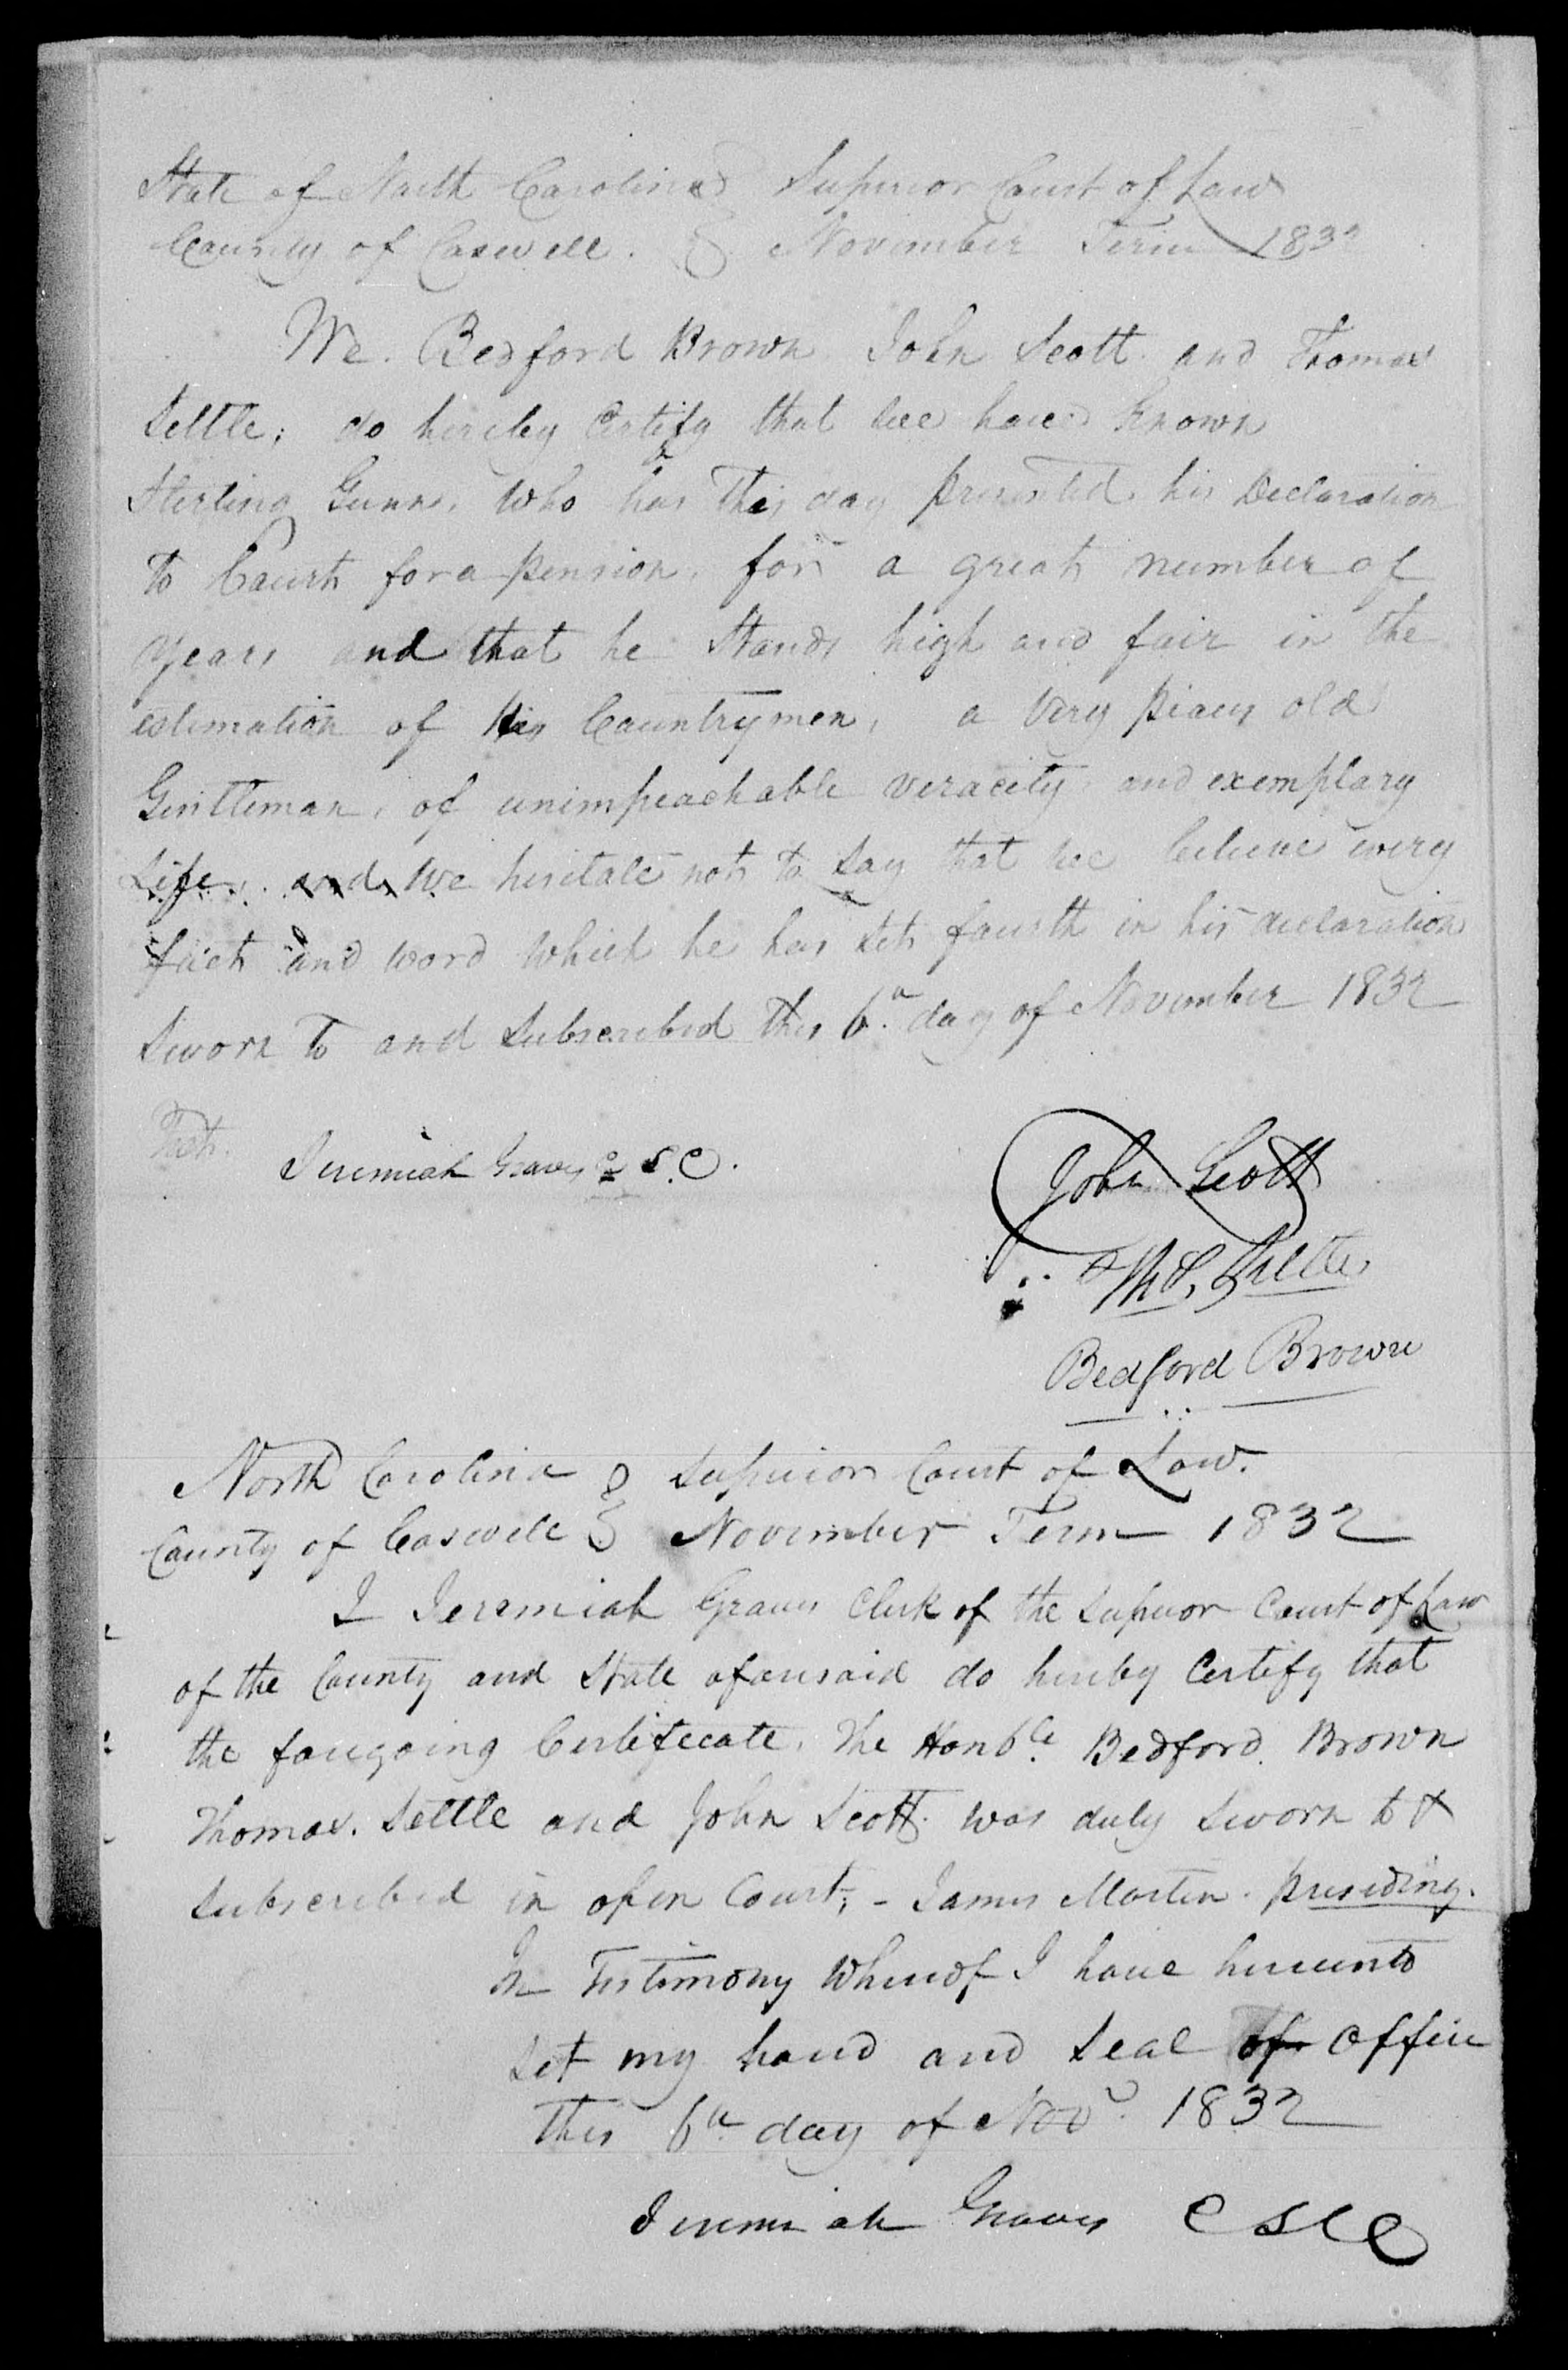State of North Carolina } 
County of Caswell. ⎬ 
Superior Court of Law
November Term 1832

We, Bedford Brown John Scott and Thomas Settle; do hereby certify that we have known Sterling Gunn, who has this day presented his Declaration to Court for a pension, for a great number of years and that he stands high and fair in the estimation of his Countrymen, a very pious old Gentleman, of unimpeachable veracity and exemplary Life. We hesitate not to say that we believe every fact and word which he has set fourth in his declaration
Sworn to and subscribed this 6th day of November 1832
John Scott
Thos. Settle
Bedford Brown

Test. 
Jeremiah Graves C S. C. 

North Carolina} 
County of Caswell ⎬ 
Superior Court of Law
November Term 1832
I Jeremiah Graves Clerk of the Superior Court of Law of the County and State aforesaid do hereby certify that the foregoing Certificate, the Honble. Bedford Brown Thomas Settle and John Scott was duly sworn to & subscribed in open Court; - James Martin presiding.
In Testimony whereof I have hereunto set my hand and seal of office this 6th day of Novr. 1832
Jeremiah Graves CSC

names: John Scott, Bedford Brown, Thos Settle, Jeremiah Graves, Jeremiah Graves, Jeremiah Graves, James Martin, John Scott, Thomas Settle, Bedford Brown, Sterling Gunn, John Scott, Thomas Settle, Bedford Brown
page: 58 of 58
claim: survivor's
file: S. 6,941, Starling Gunn, Continental Va.